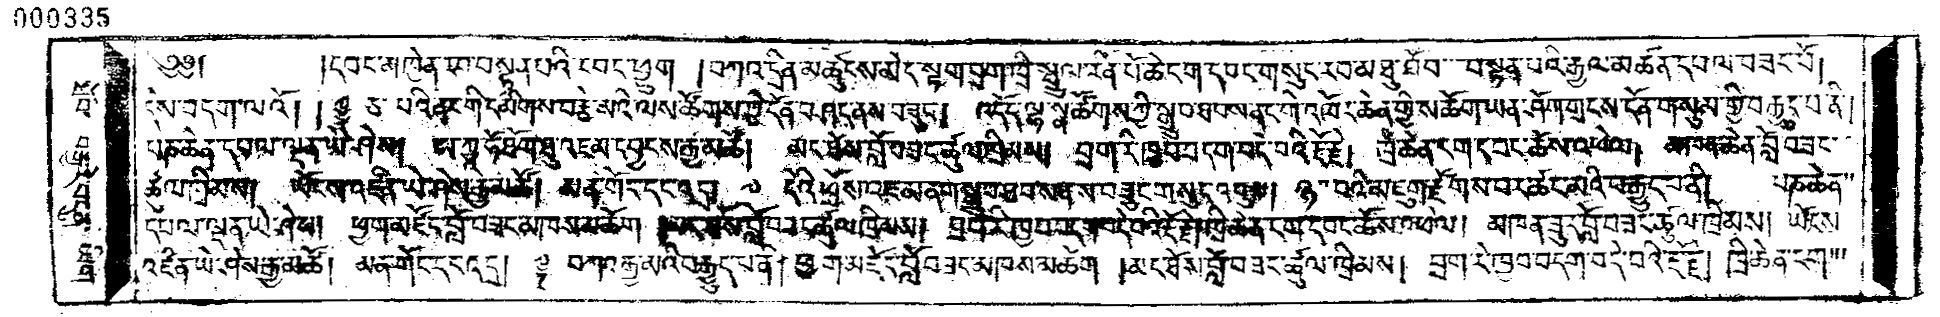༄༅། །དབང་མཁྱེན་རབ་བསྟན་པའི་དབང་ཕྱུག །བཀའ་དྲིན་མཚུངས་མེད་སྟག་བྲག་ཁྲི་སྤྲུལ་རིན་པོ་ཆེ་ངག་དབང་གསུང་རབ་མཐུ་ཐོབ་བསྟན་པའི་རྒྱལ་མཚན་དཔལ་བཟང་པོ།
དེས་བདག་ལའོ། །༈ ཅ་པའི་ནང་གི་དམིགས་བརྩེ་མའི་ལས་ཚོགས་ཀྱི་དོན་བཤད་ནས་བཟུང་། འདོད་ལྷ་སྣ་ཚོགས་ཀྱི་སྒྲུབ་ཐབས་ནང་གི་འཁོར་ཆེན་གྱི་ས་ཆོག་ཡན་ཤོག་གྲངས་དོན་གསུམ་གྱི་བརྐྱང་པ་ནི།
པཎ་ཆེན་དཔལ་ལྡན་ཡེ་ཤེས། ཨ་ཀྱཱ་ཧོ་ཤོག་ཐུ་འཇམ་དབྱངས་རྒྱ་མཚོ། མང་ཐོས་བློ་བཟང་ཚུལ་ཁྲིམས། བྲག་རི་ཁྱབ་བདག་བདེ་བའི་རྡོ་རྗེ། ཁྲི་ཆེན་ངག་དབང་ཆོས་འཕེལ། མཁན་ཆེན་བློ་བཟང་
ཚུལ་ཁྲིམས། ཡོངས་འཛིན་ཡེ་ཤེས་རྒྱ་མཚོ། མན་གོང་དང་འདྲ། ༧་དེའི་ཕྲོས་འཇམ་ནག་སྒྲུབ་ཐབས་ནས་བཟུང་གསུང་འབུམ། ཉ་བའི་མཇུག་རྫོགས་བར་ཚང་མའི་བརྒྱུད་པ་ནི། པཎ་ཆེན་
དཔལ་ལྡན་ཡེ་ཤེས། ཕྱག་མཛོད་བློ་བཟང་མཁས་མཆོག །མང་ཐོས་བློ་བཟང་ཚུལ་ཁྲིམས། བྲག་རི་ཁྱབ་བདག་བདེ་བའི་རྡོ་རྗེ། ཁྲི་ཆེན་ངག་དབང་ཆོས་འཕེལ། མཁན་ཟུར་བློ་བཟང་ཚུལ་ཁྲིམས། ཡོངས་
འཛིན་ཡེ་ཤེས་རྒྱ་མཚོ། མན་གོང་དང་འདྲ། ༈ བཀའ་རྒྱ་མའི་བརྒྱུད་པ་ནི། ཕྱག་མཇོད་བློ་བཟང་མཁས་མཆོག །མང་ཐོས་བློ་བཟང་ཚུལ་ཁྲིམས། བྲག་རེ་ཁྱབ་བདག་བདེ་བའི་རྡོ་རྗེ། ཁྲི་ཆེན་ངག་